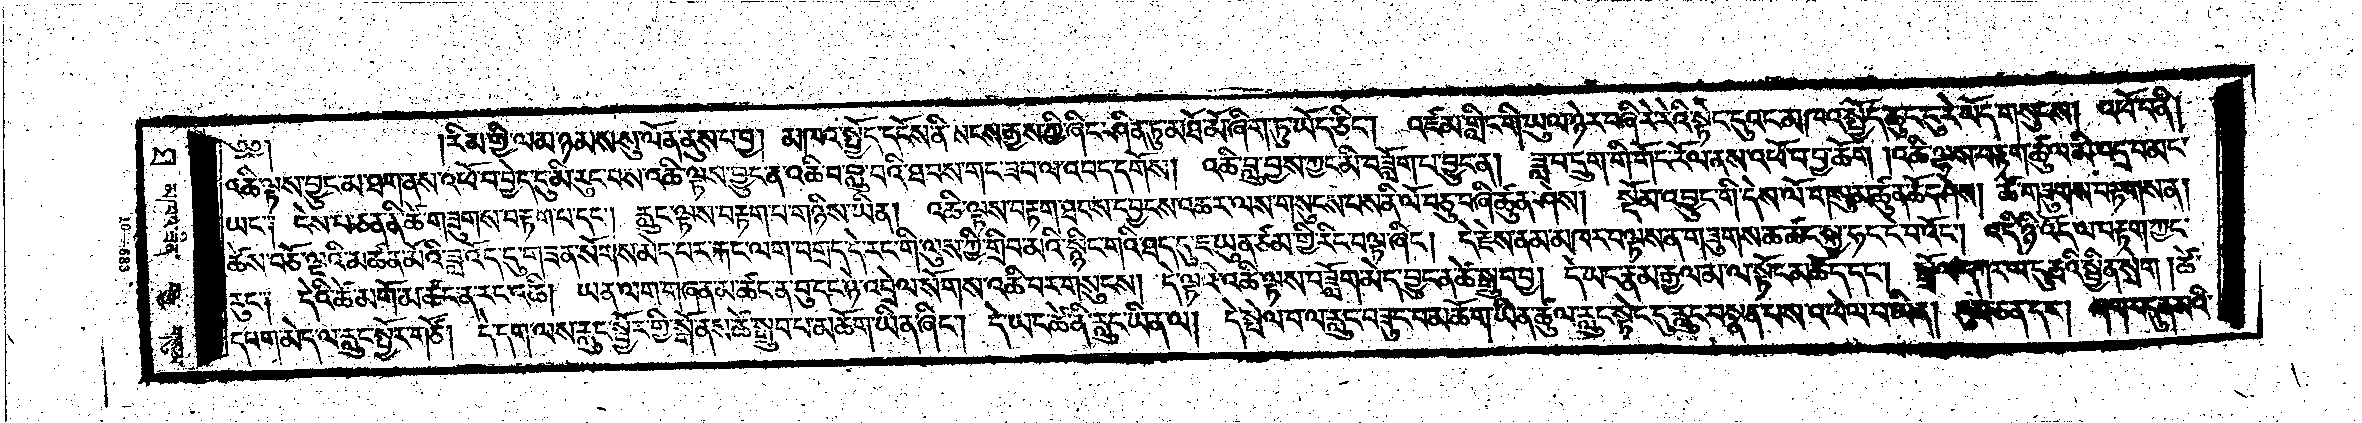༄༅། །རིམ་གྱི་ལམ་ཉམས་སུ་ལོན་ནུས་པ་བྱ། མཁའ་སྤྱོད་དངོས་ནི་སངས་རྒྱས་ཀྱི་ཞིང་ཤིན་ཏུ་མཐོ་མོ་ཞིག་ཏུ་ཡོད་ཅིང་། འཛམ་གླིང་གི་ཡུལ་ཉེར་བཞི་རེ་རེའི་སྟེང་དུའང་མཁའ་སྤྱོད་ཆུང་དུ་རེ་ཡོད་གསུངས། འཕོ་བ་ནི།
འཆི་ལྟས་བྱུང་མ་ཐག་ནས་འཕོ་བ་བྱེད་དུ་མི་རུང་བས་འཆི་ལྟས་བྱུང་ན་འཆི་བ་བླུ་བའི་ཐབས་གང་ཟབ་ལ་འབད་དགོས། འཆི་བླུ་བྱས་ཀྱང་མི་བཟློག་པ་བྱུང་ན། ཟླ་བ་དྲུག་གི་གོང་རོལ་ནས་འཕོ་བ་བྱ་ཆོག །འཆི་ལྷས་བརྟག་ཚུལ་མི་འདྲ་བ་མང་
ཡང༑ ངེས་པ་ཅན་ནི་ཚེ་གཟུགས་བརྟག་པ་དང་། རླུང་ལྟས་བརྟག་པ་གཉིས་ཡིན། འཆི་ལྟས་བརྟག་ཐབས་དབྱངས་འཆར་ལས་གསུངས་པས་ནི་ལོ་བཅུ་བཞི་ཚུན་ཤེས། སྡོམ་འབྱུང་གི་དེས་ལོ་གསུམ་ཚུན་ཆོད་ཤེས། ཚེ་གཟུགས་བརྟགས་ན།
ཚེས་བཅོ་ལྔའི་མཚན་མོའི་ཟླ་འོད་དུ་གཟན་སོགས་མེད་པར་རྐང་ལག་བགྲད་དེ་རང་གི་ལུས་ཀྱི་གྲིབ་མའི་སྙིང་གའི་ཐད་དུ་ཇ་ཡུན་ཙམ་གྱི་རིང་བལྟ་ཞིང་། དེ་རྗེས་ནམ་མཁར་བལྟས་ན་གཟུགས་ཆ་ཚང་སྐྱ་ཧང་ངེ་བ་འོང་། འདི་ཉི་འོད་ལ་བརྟག་ཀྱང་
རུང༑ དེའི་ཚེ་མགོ་མ་ཚང་ན་རང་འཆི། ཡན་ལག་གཞན་མཚང་ན་བུ་དང་ཉེ་འབྲེལ་སོགས་འཆི་བར་གསུངས། དེ་ལྟའི་འཆི་ལྟས་བཟློག་མེད་བྱུང་ན་ཚེ་སྒྲུབ་བྱ། དེ་ཡང་རྣམ་རྒྱལ་མ་ལ་སྟོང་མཆོད་དང་། སྒྲོལ་དཀར་ལ་དུ་རྦའི་སྦྱིན་སྲེག །ཚེ་
དཔག་མེད་ལ་རླུང་སྦྱོར་གཙོ། དེ་དག་ལས་རླུང་སྦྱོར་གྱི་སྒོ་ནས་ཚེ་སྒྲུབ་པ་མཆོག་ཡིན་ཞིང་། དེ་ཡང་ཚེ་ནི་རླུང་ཡིན་ལ། དེ་སྤེལ་བ་ལ་རླུང་བཟུང་བ་མཆོག་ཡིན་ཚུལ་རླུང་སྟེང་དུ་རླུང་བསྣན་པས་འཕེལ་བ་ཡིན། བུམ་ཅན་དང་། ཞག་བདུན་མའི་